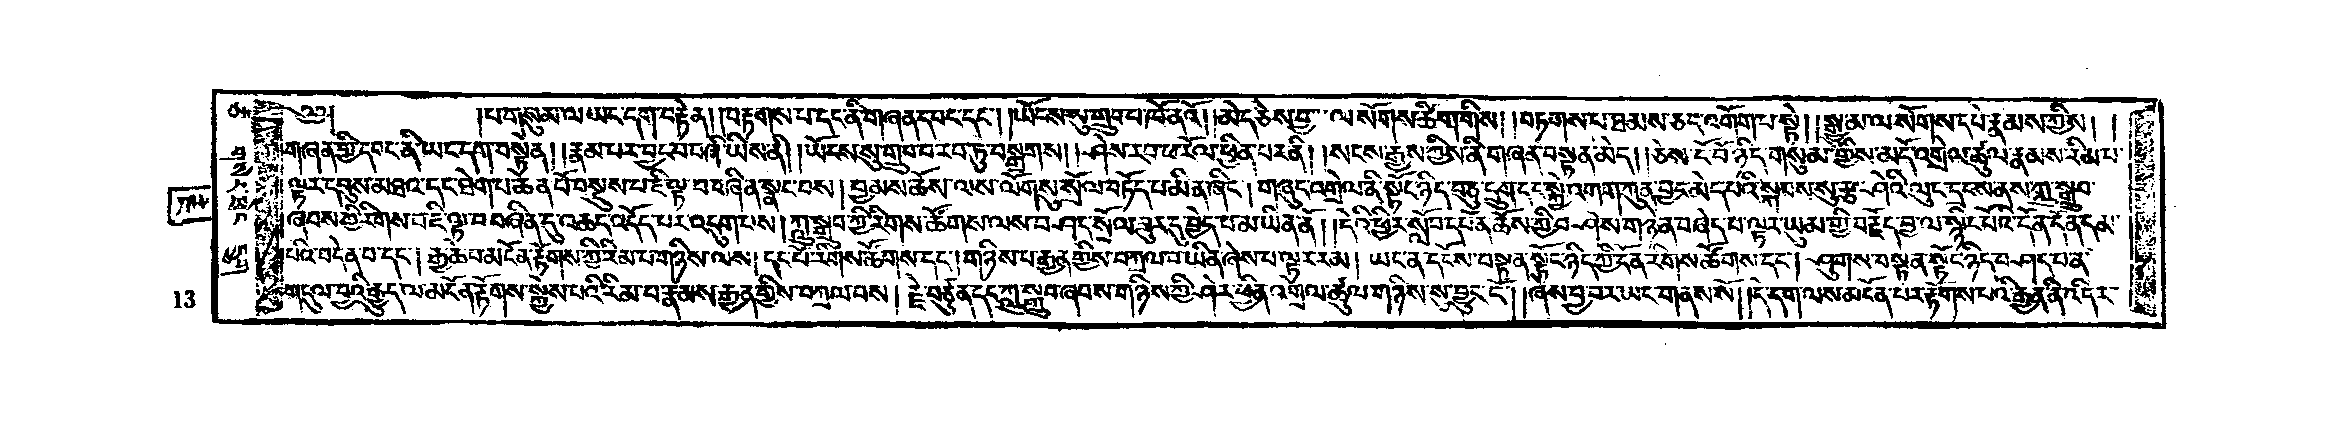༄༅། །པ་གསུམ་ལ་ཡང་དག་བརྟེན། །བརྟགས་པ་དང་ནི་གཞན་དབང་དང་། །ཡོངས་སུ་གྲུབ་པ་ཁོ་ནའོ། །མེད་ཅེས་བྱ་ལ་སོགས་ཚིག་གིས། །བཏགས་པ་ཐམས་ཅད་འགོག་པ་སྟེ། །སྒྱུ་མ་ལ་སོགས་དཔེ་རྣམས་ཀྱིས། །
གཞན་གྱི་དབང་ནི་ཡང་དག་བསྟེན། །རྣམ་པར་བྱང་བ་བཞི་ཡིས་ནི། །ཡོངས་སུ་གྲུབ་པ་རབ་ཏུ་བསྒྲགས། །ཤེས་རབ་ཕ་རོལ་ཕྱིན་པར་ནི། །སངས་རྒྱས་ཀྱིས་ནི་གཞན་བསྟན་མེད། །ཅེས་ངོ་བོ་ཉིད་གསུམ་གྱིས་མདོ་འགྲེལ་ཚུལ་རྣམས་རིམ་པ་
ལྟར་དབུས་མཐའ་དང་ཐེག་པ་ཆེན་པོ་བསྡུས་པ་ཇི་ལྟ་བ་བཞིན་སྣང་བས། བྱམས་ཆོས་ལས་ལོགས་སུ་སྲོལ་བཏོད་པ་མིན་ཞིང་། གཞུང་འགྲེལ་ནི་སྟོང་ཉིད་བཅུ་དྲུག་དང་སྐྱེ་འགག་ཀུན་བྱང་མེད་པའི་སྐབས་སུ་རྩ་ཤེའི་ལུང་དྲངས་ནས་ཀླུ་སྒྲུབ་
ཞབས་ཀྱི་རིགས་པ་ཇི་ལྟ་བ་བཞིན་དུ་འཆད་འདོད་པར་འདུག་པས། ཀླུ་སྒྲུབ་ཀྱི་རིགས་ཚོགས་ལས་བཤད་སྲོལ་ཟུར་དུ་བྱེད་པ་མ་ཡིན་ནོ། །དེའི་ཕྱིར་སློབ་དཔོན་ཆོས་ཀྱི་བཤེས་གཉེན་བཞེད་པ་ལྟར་ཡུམ་གྱི་བརྗོད་བྱ་ལ་སྙིང་པོའི་དོན་དོན་དམ་
པའི་བདེན་པ་དང་། རྒྱ་ཆེ་བ་མངོན་རྟོགས་ཀྱི་རིམ་པ་གཉིས་ལས། དང་པོ་རིགས་ཚོགས་དང་། གཉིས་པ་རྒྱན་གྱིས་བཀྲལ་བ་ཡིན་ཞེས་པ་ལྟར་རམ། ཡང་ན་དངོས་བསྟན་སྟོང་ཉིད་ཀྱི་དོན་རིགས་ཚོགས་དང་། ཤུགས་བསྟན་སྟོང་ཉིད་བཤད་པ་ན་
གདུལ་བྱའི་རྒྱུད་ལ་མངོན་རྟོགས་སྐྱེས་པའི་རིམ་པ་རྣམས་རྒྱན་གྱིས་བཀྲལ་བས། རྗེ་བཙུན་དང་ཀླུ་སྒྲུབ་ཞབས་གཉིས་ཀྱི་ཤེར་ཕྱིན་འགྲེལ་ཚུལ་གཉིས་སུ་བྱུང་ངོ། །ཞེས་བྱ་བར་ཡང་གནས་སོ། །དེ་དག་ལས་མངོན་པར་རྟོགས་པའི་རྒྱན་ནི་འདིར་